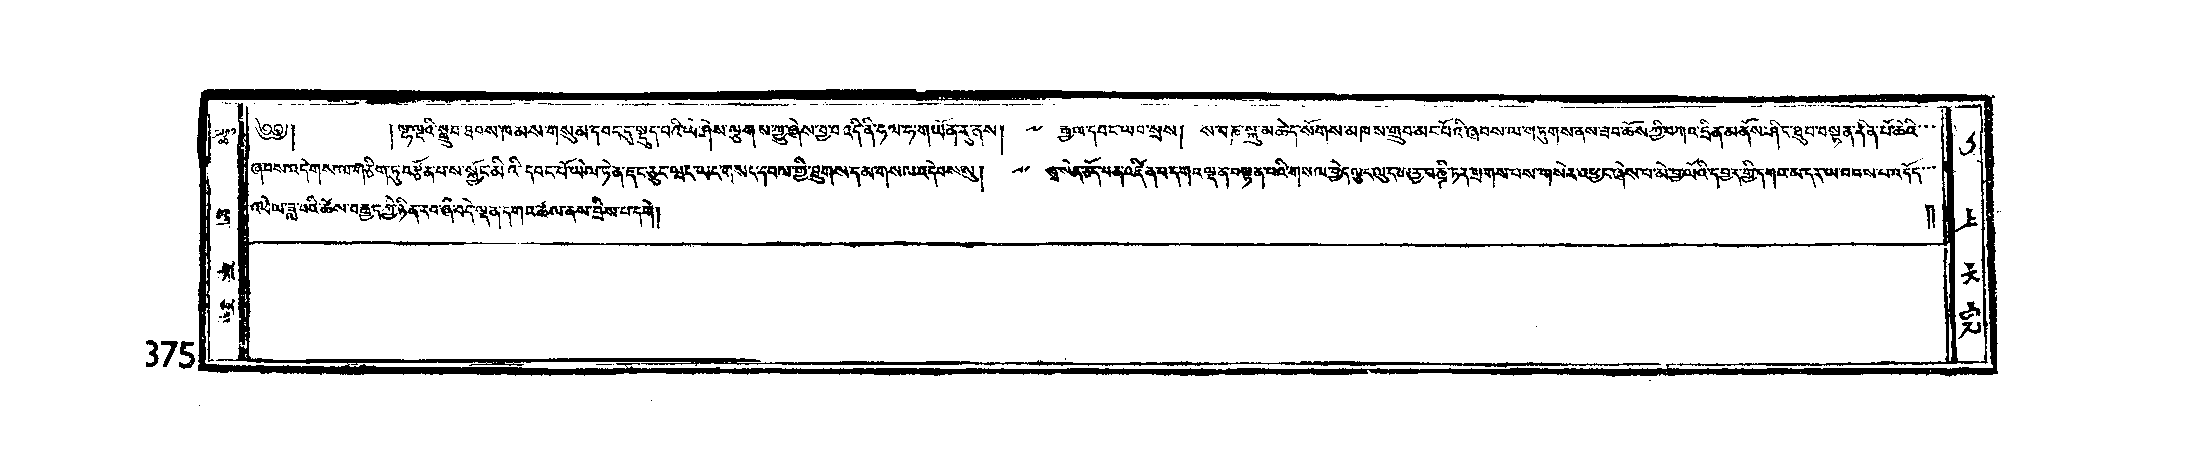༄༅། །ལྷ་ལྔའི་སྒྲུབ་ཐབས་ཁམས་གསུམ་དབང་དུ་སྡུད་བའི་ཡེ་ཤེས་ལྕགས་ཀྱུ་ཞེས་བྱ་བ་འདི་ནི་ཧལ་ཧ་གཡོན་རུ་ནས། རྒྱལ་དབང་ཡབ་སྲས། ས་པཎ་སྐུ་མཆེད་སོགས་མཁས་གྲུབ་མང་པོའི་ཞབས་ལ་གཏུགས་ནས་ཟབ་ཆོས་ཀྱི་བཀའ་དྲིན་མནོས་ཤིང་ཐུབ་བསྟན་རིན་པོ་ཆེའི་
ཞབས་འདེགས་ལ་གཅིག་ཏུ་བརྩོན་པ་ས་སྐྱོང་མིའི་དབང་པོ་ཡེལ་ཏེན་ཇང་ཅུང་ཝང་ཡང་གསང་དཔལ་གྱི་ཐུགས་དམ་གསལ་འདེབས་སུ། ༧་ཞྭ་སེན་ཅོད་པན་འཛིན་བ་དགའ་ལྡན་བསྟན་པའི་གསལ་བྱེད་ལྕང་ལུང་ཨརྱ་པཎྜི་ཏར་གྲགས་པས་གསེར་འཕྱང་ཞེས་པ་མེ་བྱ་ལོའི་དབྱར་གྱི་དགའ་མདར་ལ་བབས་པ་འདོད་
འཕེལ་ཟླ་བའི་ཚེས་བརྒྱད་ཀྱི་ཉིན་རབ་ཞི་བདེ་ལྡན་དགའ་ཚལ་ནས་བྲིས་པ་དགེ།། །།